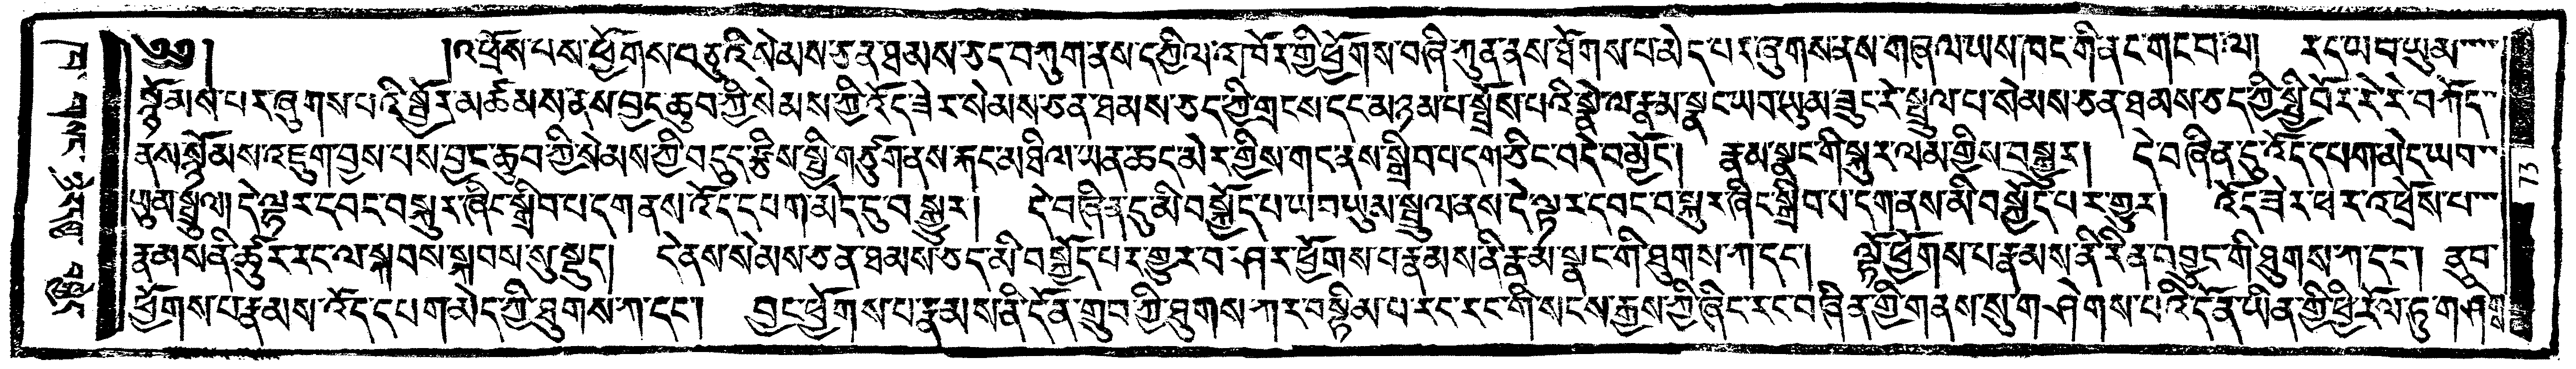༄༅། །འཕྲོས་པས་ཕྱོགས་བཅུའི་སེམས་ཅན་ཐམས་ཅད་བཀུག་ནས་དཀྱིལ་འཁོར་གྱི་ཕྱོགས་བཞི་ཀུན་ནས་ཐོགས་པ་མེད་པར་ཞུགས་ནས་གཞལ་ཡས་ཁང་གི་ནང་གང་བ་ལ། རང་ཡབ་ཡུམ་
སྙོམས་པར་ཞུགས་པའི་སྦྱོར་མཚམས་ནས་བྱང་ཆུབ་ཀྱི་སེམས་ཀྱི་འོད་ཟེར་སེམས་ཅན་ཐམས་ཅད་ཀྱི་གྲངས་དང་མཉམ་པ་སྤྲོས་པའི་སྣེ་ལ་རྣམ་སྣང་ཡབ་ཡུམ་ཟུང་རེ་སྤྲུལ་པ་སེམས་ཅན་ཐམས་ཅད་ཀྱི་སྤྱི་བོར་རེ་རེ་བཀོད་
ནས་སྙོམས་འཇུག་བྱས་པས་བྱང་ཆུབ་ཀྱི་སེམས་ཀྱི་བདུད་རྩིས་སྤྱི་གཙུག་ནས་རྐང་མཐིལ་ཡན་ཆད་མེར་གྱིས་གང་ནས་སྒྲིབ་བདག་ཅིང་བདེ་བ་མྱོང་། རྣམ་སྣང་གི་སྐུར་ལམ་གྱིས་བསྒྱུར། དེ་བཞིན་དུ་འོད་དཔག་མེད་ཡབ་
ཡུམ་སྦྲུལ། དེ་ལྟར་དབང་བསྐུར་ཞིང་སྒྲིབ་པ་དག་ནས་འོད་དཔག་མེད་དུ་བསྒྱུར། དེ་བཞིན་དུ་མི་བསྐྱོད་པ་ཡབ་ཡུམ་སྦྲུལ་ནས་དེ་ལྟར་དབང་བསྐུར་ཞིང་སྒྲིབ་པ་དག་ནས་མི་བསྐྱོད་པར་གྱུར། འོད་ཟེར་ཕར་འཕྲོས་པ་
རྣམས་ནི་ཚུར་རང་ལ་སྐབས་སྐབས་སུ་སྡུད། དེ་ནས་སེམས་ཅན་ཐམས་ཅད་མི་བསྐྱོད་པར་གྱུར་བ་ཤར་ཕྱོགས་པ་རྣམས་ནི་རྣམ་སྣང་གི་ཐུགས་ཀ་དང་། ལྷོ་ཕྱོགས་པ་རྣམས་ནི་རིན་འབྱུང་གི་ཐུགས་ཀ་དང་། ནུབ་
ཕྱོགས་པ་རྣམས་འོད་དཔག་མེད་ཀྱི་ཐུགས་ཀ་དང་། བྱང་ཕྱོགས་པ་རྣམས་ནི་དོན་གྲུབ་ཀྱི་ཐུགས་ཀར་བསྟིམ་པ་རང་རང་གི་སངས་རྒྱས་ཀྱི་ཞིང་རང་བཞིན་གྱི་གནས་སུ་གཤེགས་པའི་དོན་ཡིན་གྱི་ཕྱི་རོལ་ཏུ་གཤེགས་